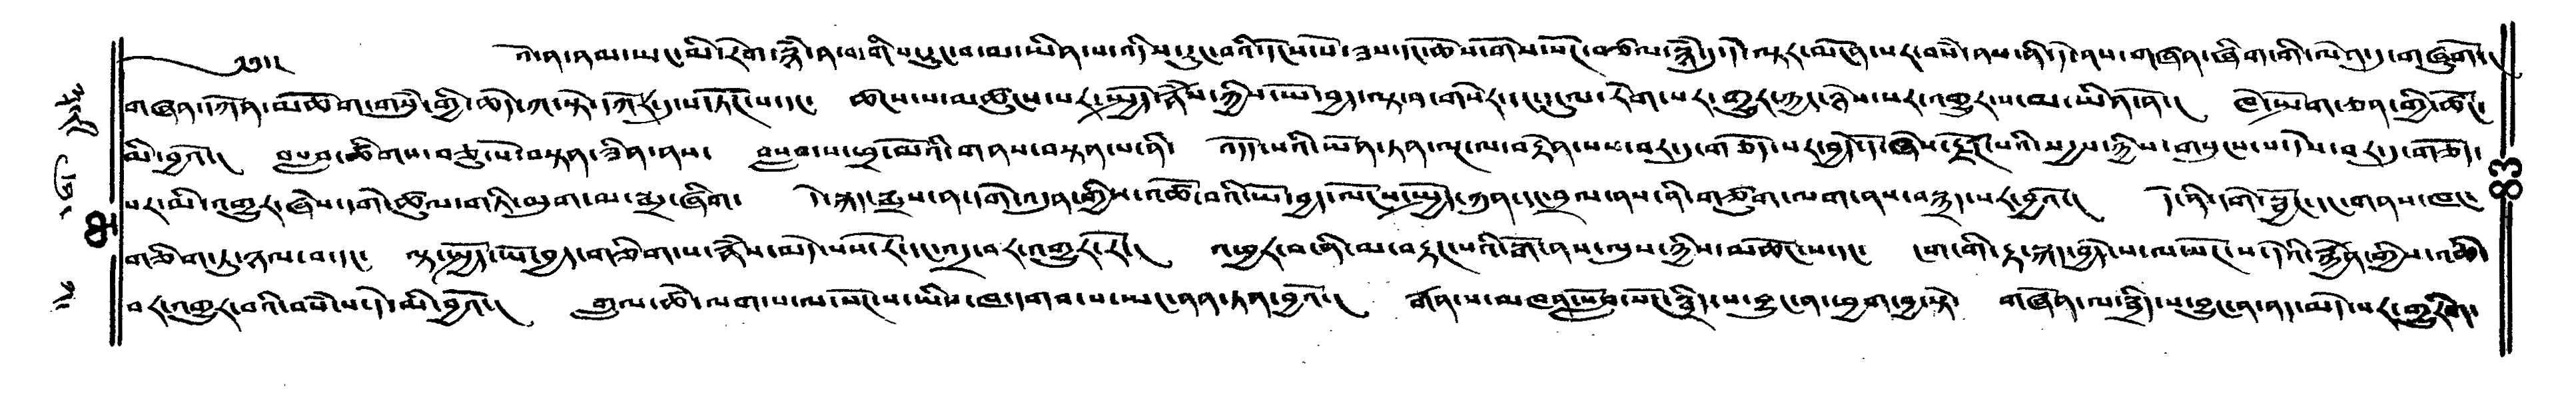འོ་ན་ནམ་ཡང་མི་རེག་སྙམ་ན་བདག་གིས་རུང་བ་མ་ཡིན་པ་འདིས་རུང་བའི་དངོས་པོ་ཟས་དང་ཆོས་གོས་སོགས་བཙལ་སྙམ་དུ་དེ་ལྟར་མངོན་པར་བསམ་ནས་ནི་དེ་ནས་གཞན་ཞིག་གི་ལེན་དུ་གཞུག་གོ། 
གཞན་དཀོན་མཆོག་གསུམ་གྱི་ཆས་ཀ་སྟེ་དཀོར་དུ་གཏོགས་པ་དང་། ཚངས་པ་མཚུངས་པར་སྤྱོད་པ་རྣམས་ཀྱིས་ཡོ་བྱད་ལྟ་བུ་ནི་གསེར་དང་དངུལ་སོགས་རེག་པར་གྱུར་ཀྱང་ཉེས་པར་འགྱུར་པ་མ་ཡིན་ནོ།ཁེ་སྤོག་ཅན་གྱི་ཚོང་
མི་བྱའོ། བསླབ་ཚིགས་བཅུ་པོ་བསྟན་ཟིན་ནས། བསླབ་པ་ཕྲ་མོའི་གནས་བསྟན་པ་ནི། འདོད་པའི་ཡོན་ཏན་ལྔ་ལ་སྟེན་པས་བར་དུ་གཅོད་པར་བྱེད་དོ་ཞེས་རྫོགས་པའི་སངས་རྒྱས་ཀྱིས་གསུངས་པ་དེས་བར་དུ་གཅོད་
པར་མི་འགྱུར་ཞེས་དགེ་ཚུལ་གཏི་མུག་ཅན་གྱིས་མ་སྨྲ་ཞིག དེ་སྐད་སྨྲས་ན་དགེ་འདུན་གྱིས་འཚོ་བའི་ཡོ་བྱད་ལོངས་སྤྱོད་ཀུན་དང་ཕྲལ་ནས་ནི་གཙུག་ལག་ནས་བསྐྲད་པར་བྱའོ། དེ་ནི་དགེ་སྦྱོང་དང་གནས་ཁང་
གཅིག་ཏུ་ཉལ་བ་དང་། ལྟ་སྤྱོད་ཡོ་བྱད་གཅིག་པ་རྣམས་མེད་པར་རོ་དང་འདྲ་བར་འགྱུར་རོ། འཕྱར་བ་ནི་མ་བརྟགས་པའི་སྒོ་ནས་ལུས་ཀྱིས་མཆོང་པ་དང་། ངག་གི་རྟ་སྐད་བྱེད་པ་ལ་སོགས་པ་དེའི་རྐྱེན་གྱིས་འཆི་
བར་ནི་མི་འགྱུར་སྙམ་པའི་བསམ་པ་དེ་མི་བྱའོ། གླལ་ཚེ་ལག་པ་ལ་སོགས་པ་ཡིས་ཁ་དགབ་པ་ཡང་ནན་ཏན་བྱའོ། རྒན་པ་མཁན་སློབ་སོགས་སྦྲིད་པ་བྱུང་ན་ཕྱག་བྱ་སྟེ། གཞོན་པ་ལ་སྦྲིད་པ་བྱུང་ན་ནད་མེད་པར་གྱུར་ཅིག་